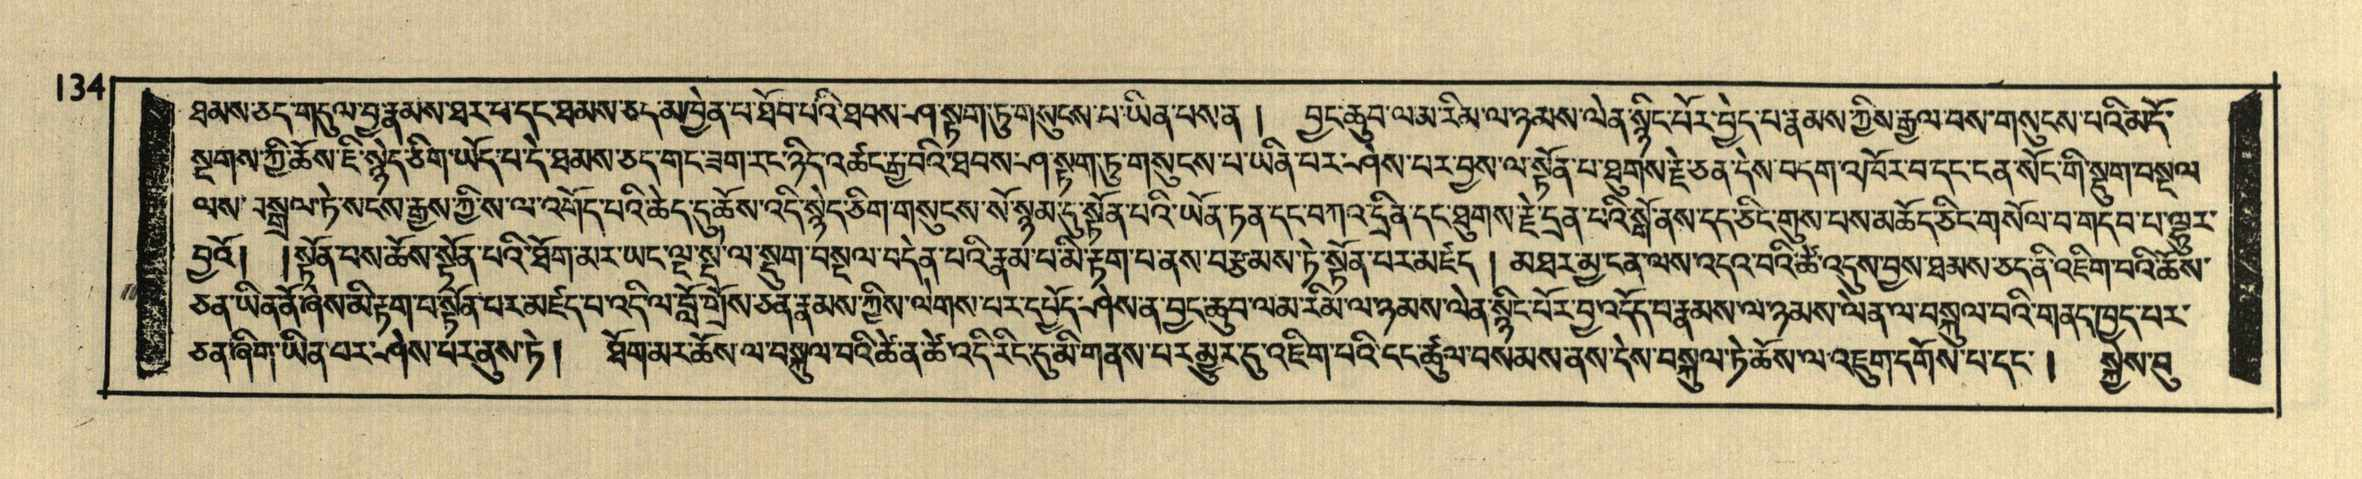ཐམས་ཅད་གདུལ་བྱ་རྣམས་ཐར་པ་དང་ཐམས་ཅད་མཁྱེན་པ་ཐོབ་པའི་ཐབས་ཤ་སྟག་ཏུ་གསུངས་པ་ཡིན་པས་ན། བྱང་ཆུབ་ལམ་རིམ་ལ་ཉམས་ལེན་སྙིང་པོར་བྱེད་པ་རྣམས་ཀྱིས་རྒྱལ་བས་གསུངས་པའི་མདོ་
སྔགས་ཀྱི་ཆོས་ཇི་སྙེད་ཅིག་ཡོད་པ་དེ་ཐམས་ཅད་གང་ཟག་རང་ཉིད་འཚང་རྒྱ་བའི་ཐབས་ཤ་སྟག་ཏུ་གསུངས་པ་ཡིན་པར་ཤེས་པར་བྱས་ལ་སྟོན་པ་ཐུགས་རྗེ་ཅན་དེས་བདག་འཁོར་བ་དང་ངན་སོང་གི་སྡུག་བསྔལ་
ལས་བསྒྲལ་ཏེ་སངས་རྒྱས་ཀྱི་ས་ལ་འགོད་པའི་ཆེད་དུ་ཆོས་འདི་སྙེད་ཅིག་གསུངས་སོ་སྙམ་དུ་སྟོན་པའི་ཡོན་ཏན་དང་བཀའ་དྲིན་དང་ཐུགས་རྗེ་དྲན་པའི་སྒོ་ནས་དད་ཅིང་གུས་པས་མཆོད་ཅིང་གསོལ་བ་གདབ་པ་ལྷུར་
བྱའོ། །སྟོན་པས་ཆོས་སྟོན་པའི་ཐོག་མར་ཡང་ལྔ་སྡེ་ལ་སྡུག་བསྔལ་བདེན་པའི་རྣམ་པ་མི་རྟག་པ་ནས་བརྩམས་ཏེ་སྟོན་པར་མཛད། མཐར་མྱ་ངན་ལས་འདའ་བའི་ཚེ་འདུས་བྱས་ཐམས་ཅད་ནི་འཇིག་པའི་ཆོས་
ཅན་ཡིན་ནོ་ཞེས་མི་རྟག་པ་སྟོན་པར་མཛད་པ་འདི་ལ་བློ་གྲོས་ཅན་རྣམས་ཀྱིས་ལེགས་པར་དཔྱོད་ཤེས་ན་བྱང་ཆུབ་ལམ་རིམ་ལ་ཉམས་ལེན་སྙིང་པོར་བྱ་འདོད་པ་རྣམས་ལ་ཉམས་ལེན་ལ་བསྐུལ་བའི་གནད་ཁྱད་པར་
ཅན་ཞིག་ཡིན་པར་ཤེས་པར་ནུས་ཏེ། ཐོག་མར་ཆོས་ལ་བསྐུལ་བའི་ཚེ་ན་ཚེ་འདི་རིང་དུ་མི་གནས་པར་མྱུར་དུ་འཇིག་པའི་དང་ཚུལ་བསམས་ནས་དེས་བསྐུལ་ཏེ་ཆོས་ལ་འཇུག་དགོས་པ་དང་། སྐྱེས་བུ་